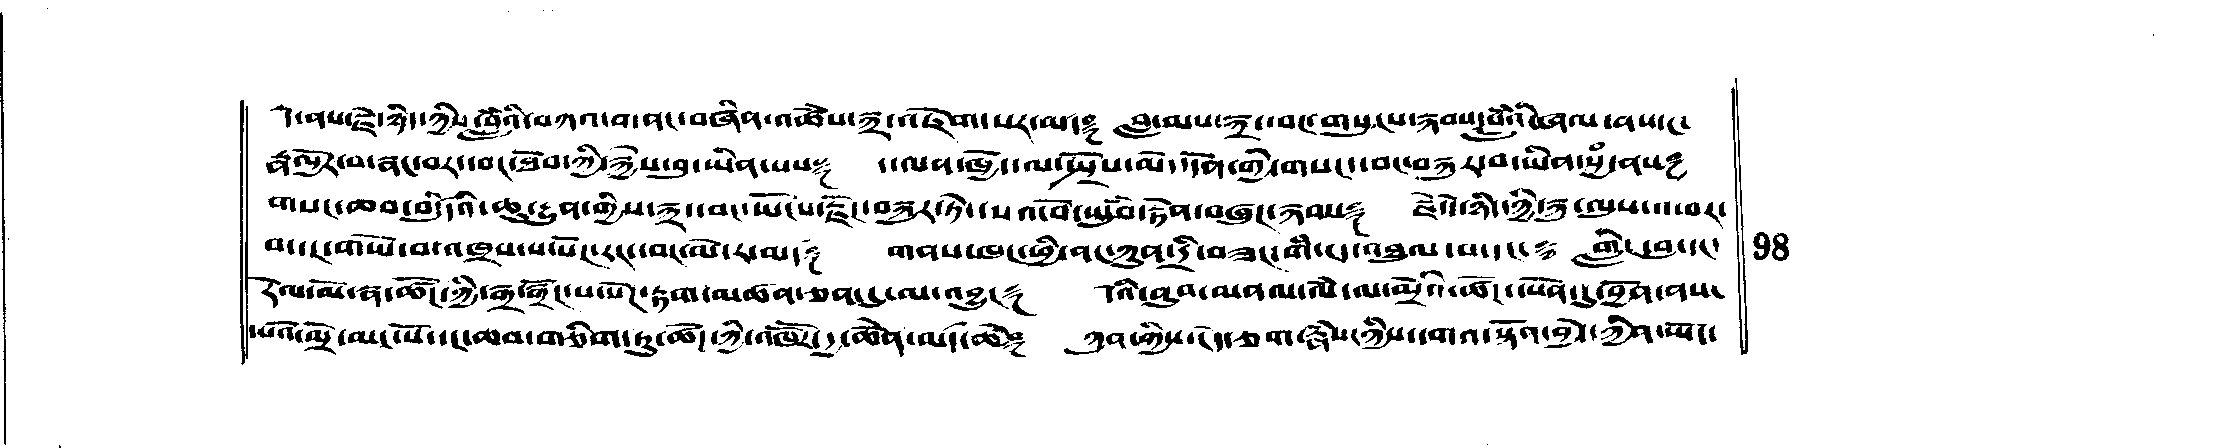དེ་ནས་རྗེ་ཉིད་ཀྱིས་བླ་མའི་བཀའ་གནང་བཞིན་མཚམས་སྐྲ་འཇོག་པར་མཛད། བླ་མས་སྐྲ་དབང་གསུང་སྐབས་བླ་མའི་ཞལ་ནས་ང་
རྣལ་འབྱོར་པ་སྣང་བར་དབང་ཐོབ་ཀྱི་སྐྱེས་བུ་ཡིན་པས། ད་ལན་ཁྱོད་ལ་སྤྲོས་མེད་དོན་གྱི་གསང་དབང་བསྐུར་བ་ཡིན་གསུང་ནས། 
གསང་ཆབ་བདུད་རྩིའི་ཆུ་རྒྱུན་གྱིས་སྐྲ་དབང་ཡོངས་རྫོགས་བསྐུར་ཏེ་དཔའ་བོ་ཡབ་ཡུམ་རྟེན་བཞུགས་སྐབས། རྗེ་དེ་ཉིད་ཀྱི་སྐུ་ལུས་འཕར་
བ་དང་གཡོ་བ་འཁྲས་༼འཁྲབ་?༽པ་སོགས་རང་དབང་མེ་པར་མཛད། གནས་ཁང་ཕྱི་ནང་ཀུན་དྲི་བཟང་གི་ངད་འཐུལ་བ་དང་། གླིང་བུ་དང་
རོལ་མོ་སྣ་ཚོགས་ཀྱི་སྒྲ་སྒྲོགས་པ་སོགས་རྟགས་མཚན་ཅན་དུ་མ་བྱུང་། དེའི་ནུབ་མནལ་ལམ་ལ་མཁའ་འགྲོའི་ཚོགས་དཔོན་དུ་བྱོན་ནས་
དཔའ་བོ་མཁའ་འགྲོ་མང་པོ་དང་ཆབས་གཅིག་ཏུ་ཚོགས་ཀྱི་འཁོར་ལོ་རྒྱ་ཆེན་པོ་མཛད་ཚེ། ཀུན་གྱི་ངེད་ཅག་རྣམས་ཀྱིས་དགའ་སྟོན་བྱེད་ཀྱིན་ཡོད་